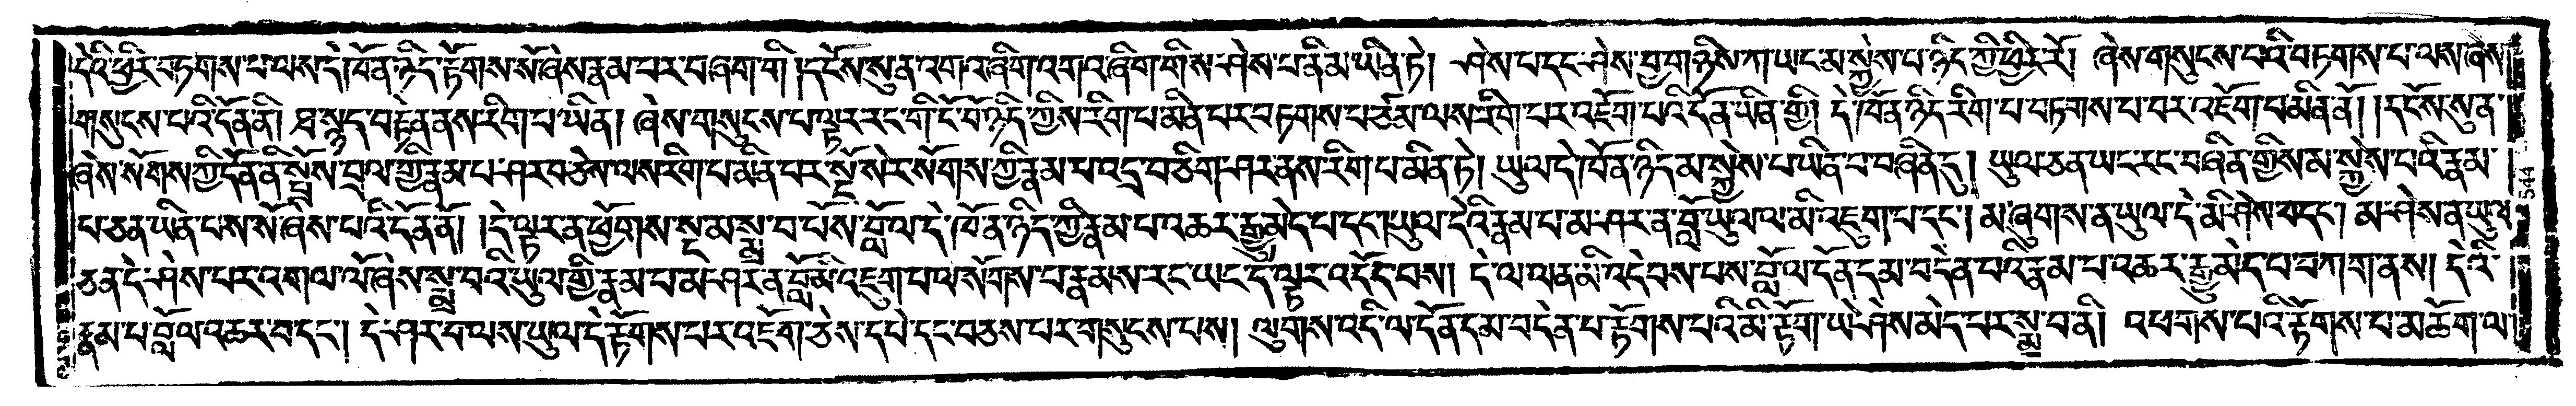དེའི་ཕྱིར་བཏགས་པ་ལས་དེ་ཁོ་ན་ཉིད་རྟོགས་སོ་ཞེས་རྣམ་པར་བཞག་གི །དངོས་སུ་ན་འགའ་ཞིག་འགའ་ཞིག་གིས་ཤེས་པ་ནི་མ་ཡིན་ཏེ། ཤེས་པ་དང་ཤེས་བྱ་གཉིས་ཀ་ཡང་མ་སྐྱེས་པ་ཉིད་ཀྱི་ཕྱིར་རོ། ཞེས་གསུངས་པའི་བཏགས་པ་ལས་ཞེས་
གསུངས་པའི་དོན་ནི། ཐ་སྙད་བརྟེན་ནས་རིག་པ་ཡིན། ཞེས་གསུངས་པ་ལྟར་རང་གི་ངོ་བོ་ཉིད་ཀྱིས་རིག་པ་མིན་པར་བཏགས་པ་ཙམ་ལས་རིག་པར་འཇོག་པའི་དོན་ཡིན་གྱི། དེ་ཁོ་ན་ཉིད་རིག་པ་བཏགས་པ་བར་འཇོག་པ་མིན་ནོ། །དངོས་སུ་ན་
ཞེས་སོགས་ཀྱི་དོན་ནི་སྤྲོས་བྲལ་གྱི་རྣམ་པ་ཤར་བ་ཅེས་ལས་རིག་པ་མིན་པར་སྔོ་སེར་སོགས་ཀྱི་རྣམ་པ་འདྲ་བ་ཅིག་ཤར་ནས་རིག་པ་མིན་ཏེ། ཡུལ་དེ་ཁོ་ན་ཉིད་མ་སྐྱེས་པ་ཡིན་པ་བཞིན་དུ། ཡུལ་ཅན་ཡང་རང་བཞིན་གྱིས་མ་སྐྱེས་པའི་རྣམ་
པ་ཅན་ཡིན་པས་སོ་ཞེས་པའི་དོན་ནོ། །དེ་ལྟར་ན་ཕྱོགས་སྔ་མ་སྨྲ་བ་པོས་བློ་ལ་དེ་ཁོ་ན་ཉིད་ཀྱི་རྣམ་པ་འཆར་རྒྱུ་མེད་པ་དང་། ཡུལ་དེའི་རྣམ་པ་མ་ཤར་ན་བློ་ཡུལ་ལ་མི་འཇུག་པ་དང་། མ་ཞུགས་ན་ཡུལ་དེ་མི་ཤེས་པ་དང་། མ་ཤེས་ན་ཡུལ་
ཅན་དེ་ཤེས་པར་འགལ་ལོ་ཞེས་སྨྲ་བའི་ཡུལ་གྱི་རྣམ་པ་མ་ཤར་ན་བློ་མི་འཇུག་པ་ལ་སོགས་པ་རྣམས་རང་ཡང་དེ་ལྟར་འདོད་པས། དེ་ལ་ལན་མི་འདེབས་པས་བློ་ལ་དོན་དམ་བདེན་པའི་རྣམ་པ་འཆར་རྒྱུ་མེད་པ་བཀག་ནས། དེའི་
རྣམ་པ་བློ་ལ་འཆར་བ་དང་། དེ་ཤར་བ་ལས་ཡུལ་དེ་རྟོགས་པར་འཇོག་ཅེས་དཔེ་དང་བཅས་པར་གསུངས་པས། ལུགས་འདི་ལ་དོན་དམ་བདེན་པ་རྟོགས་པའི་མི་རྟོག་ཡེ་ཤེས་མེད་པར་སྨྲ་བ་ནི། འཕགས་པའི་རྟོགས་པ་མཆོག་ལ་